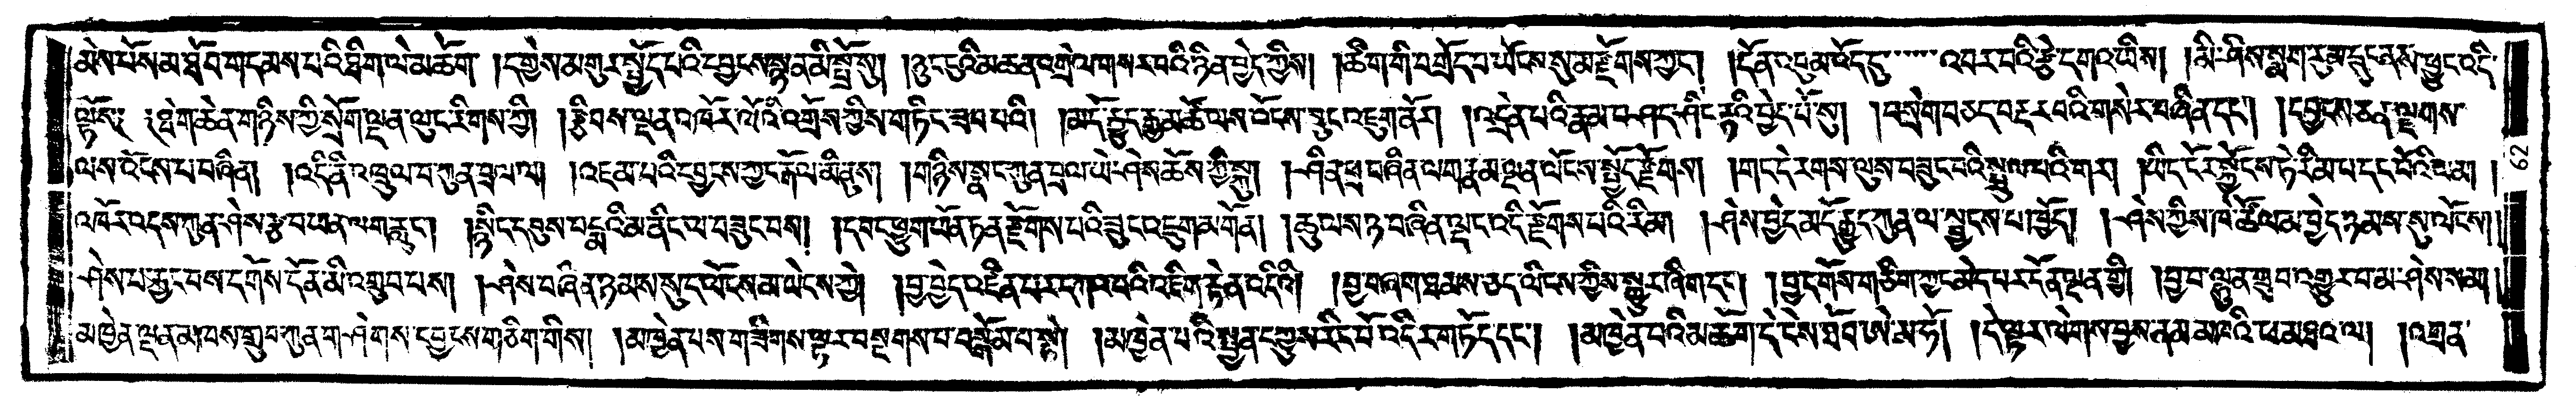མེས་པོས་མ་ཐོབ་གདམས་པའི་ཐིག་ལེ་མཆོག །དགྱེས་མགུར་སྤྱོད་པའི་དབྱངས་སྙན་མི་སྤྲོ་སུ། །ཉུང་ངུའི་མཆན་འགྲེལ་གསར་བའི་ཉིན་བྱེད་ཀྱིས། །ཚིག་གི་བགྲོད་པ་ཡོངས་སུ་མ་རྫོགས་ཀྱང་། །དོན་འབུམ་འོད་དུ་འབར་བའི་རྩེ་དགའ་ཡིས། །མི་ཤིས་སྨག་རུ་མ་དྲུང་ནས་ཕྱུང་འདི་
ལྟོས༑ ༑ཐེག་ཆེན་གཉིས་ཀྱི་སྲོག་ལྡན་ལུང་རིགས་ཀྱི། །རྩིབས་ལྡན་འཁོར་ལོའི་འགྲོས་ཀྱིས་གཏིང་ཟབ་པའི། །མདོ་རྒྱུད་རྒྱ་མཚོ་ལས་ལོངས་ཟུང་འཇུག་ནོར། །འདྲེན་པའི་རྣམ་བཤད་ཤིང་རྟའི་བྱེད་པོ་སུ། །བསྲེག་བཅད་བརྡར་བའི་གསེར་བཞིན་དང་། །དབྱངས་ཅན་ལྡགས་
ལས་འོངས་པ་བཞིན། །འདི་ནི་འཕྲུལ་བ་ཀུན་བྲལ་ལ། །འཇམ་པའི་དབྱངས་ཀྱང་རྒོལ་མི་ནུས། །གཉིས་སྣང་ཀུན་བྲལ་ཡེ་ཤེས་ཆོས་ཀྱི་སྐུ། །ཤིན་ཕྲ་བཞིན་ལག་རྣམ་ལྡན་ལོངས་སྤྱོད་རྫོགས། །གང་དེ་རགས་ལུས་བཟུང་བའི་སྤྲུལ་པའི་གར། །ཡིད་ངོར་སྐྱོངས་ཏེ་རིམ་པ་དང་པོའི་ལམ། །
འཁོར་འདས་ཀུན་ཤེས་རྩ་བ་ཡན་ལག་རླུང་། །སྙིང་དབུས་པདམའི་མ་ནིང་ལ་བཟུང་བས། །དབང་ཕྱུག་ཡོན་ཏན་རྫོགས་པའི་ཟུང་འཇུག་མགོན། །ཆུ་ལས་ཉ་བཞིན་ལྡང་འདི་རྫོགས་པའི་རིམ། །ཤེས་བྱེད་མདོ་རྒྱུད་ཀུན་ལ་སྦྱངས་པ་ཁྱོད། །ཤེས་ཀྱིས་ཁ་ཚོལ་མ་བྱེད་ཉམས་སུ་ལོངས།།
ཤེས་པ་རྐྱང་བས་དགོས་དོན་མི་འགྲུབ་པས། །ཤེས་བཞིན་ཉམས་སུང་ལོངས་མ་ཡེངས་ཀྱེ། །བྱ་བྱེད་འཛིན་པར་དཀའ་བའི་འཇིག་རྟེན་འདིའི། །བྱ་བཞག་ཐམས་ཅད་ལིངས་ཀྱིས་སྐྱུར་ཞིག་དང་། །བྱ་དགོས་གཅིག་ཀྱང་མེད་བར་དོན་ལྡན་གྱི། །བྱ་བ་ལྷུན་གྲུབ་འགྱུར་བ་མ་ཤེས་སམ།།
མཁྱེན་ལྡན་མཁས་གྲུབ་ཀུན་གཤེགས་དབྱངས་གཅིག་གིས། །མཁྱེན་པས་གཟིགས་ལྟར་བསྔགས་བ་བསྒོམ་པ་སྟེ། །མཁྱེན་པའི་སྤྱན་དཀྱུས་རིང་པོ་འདིར་གཏོད་དང་། །མཁྱེན་པའི་མཆོག་དེ་ངེས་ཐོབ་ཨེ་མ་ཧོ། །དེ་ལྟར་ལེགས་བྱས་ནམ་མཁའི་ཕ་མཐའ་ལ། །འགྲན་